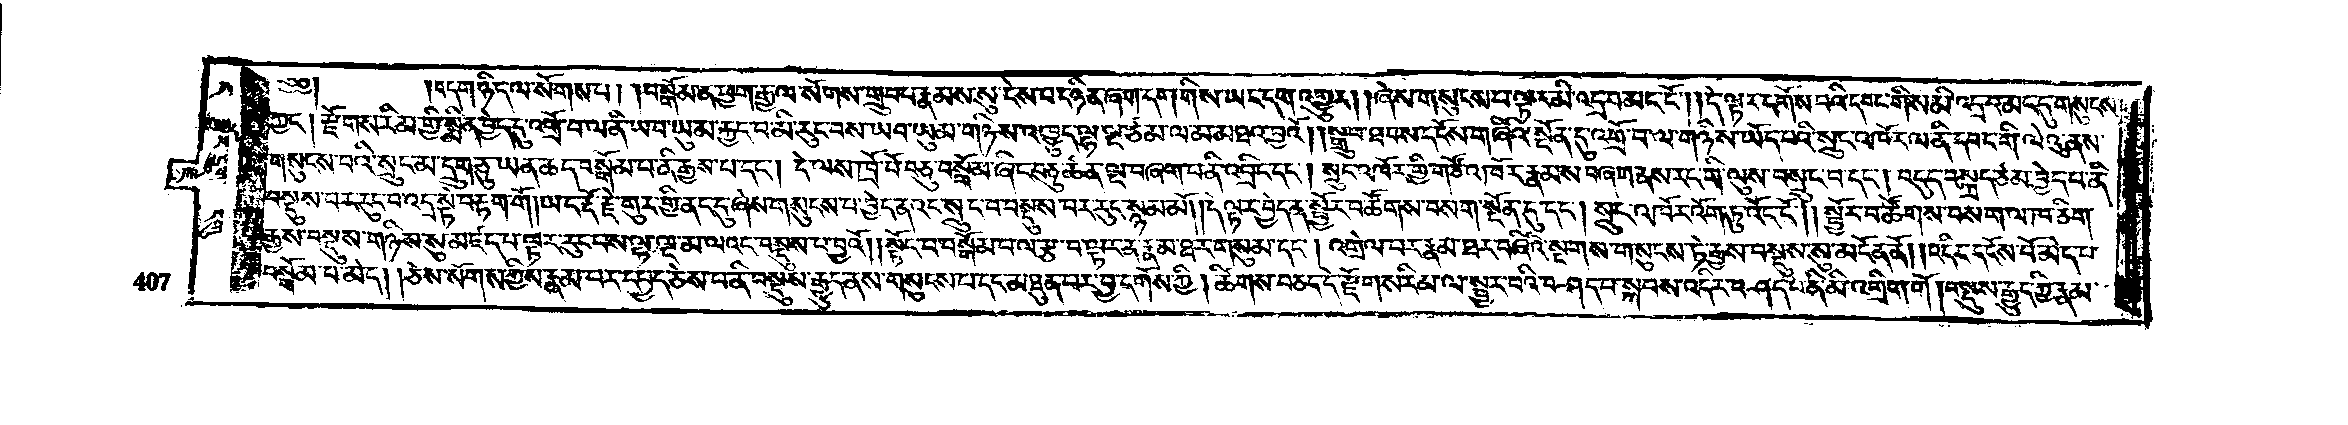༄༅། །བདག་ཉིད་ལ་སོགས་པ། །བསྒོམ་ན་ཕྱག་རྒྱ་ལ་སོགས་གྲུབ་པ་རྣམས་སུ་ངེས་པང་ཉིན་ཞག་དག་གིས་ཡང་དག་འགྱུར། །ཞེས་གསུངས་པ་ལྟར་མི་འདྲ་བ་མང་ངོ། །དེ་ལྟར་དགོས་པའི་དབང་གིས་མི་འདྲ་བ་མང་དུ་གསུངས་
ཀྱང་། རྫོགས་རིམ་གྱི་སྨིན་བྱེད་དུ་འགྲོ་བ་ལ་ནི་ཡབ་ཡུམ་རྐྱང་བ་མི་རུང་བས་ཡབ་ཡུམ་གཉིས་འཁྱུད་ལྷ་ལྔ་ཙམ་ལ་མ་མཐའ་བྱའོ། །སྒྲུབ་ཐབས་དངོས་གཞིའི་སྔོན་དུ་འགྲོ་བ་ལ་གཉིས་ཡོད་པའི་སྲུང་འཁོར་ལ་ནི་དབང་གི་ལེའུ་ནས་
གསུངས་པའི་སྲུང་མ་དྲུག་ཅུ་ཡན་ཆད་བསྒོམ་པ་ནི་རྒྱས་པ་དང་། དེ་ལས་ཁྲོ་བོ་བཅུ་བསྒོམ་ཞིང་བཅུ་ཚན་ལྔ་བཞག་པ་ནི་འབྲིང་དང་། སྲུང་འཁོར་གྱི་གཙོ་འཁོར་རྣམས་བཞག་ནས་རང་གི་ལུས་བསྲུང་བ་དང་། བདུད་བསྐྲད་ཙམ་བྱེད་པ་ནི་
བསྡུས་པར་རུང་བ་འདྲ་སྟེ་བརྟག་གོ། ཡང་རྡོ་རྗེ་གུར་གྱི་ནང་ནང་དུ་ཞེས་གསུངས་པ་བྱེད་ནའང་སྲུང་བ་བསྡུས་པར་རུང་སྙམ་མོ། །དེ་ལྟར་བྱེད་ན་སྦྱོར་བ་ཚོགས་བསག་སྔོན་དུ་དང་། སྲུང་འཁོར་འོག་ཏུ་འོང་ངོ། །སྦྱོར་བ་ཚོགས་བསག་ལ་ཁ་ཅིག་
རྒྱས་བསྡུས་གཉིས་སུ་མཛད་པ་ལྟར་རུང་བས་ལྷ་ལྔ་མ་ལའང་བསྡུས་པ་བྱའོ། །སྟོང་པ་བསྒོམ་པ་ལ་རྩ་བ་ལྟར་ན་རྣམ་ཐར་གསུམ་དང་། འགྲེལ་པར་རྣམ་ཐར་བཞིའི་སྔགས་གསུངས་ཏེ་རྒྱས་བསྡུས་སུ་མངོན་ནོ། །འདིར་དངོས་པོ་མེད་པ་
བསྒོམ་པ་མེད། །ཅེས་སོགས་ཀྱིས་རྣམ་པར་དཔྱད་ཅེས་པ་ནི་བསྡུས་རྒྱུད་ནས་གསུངས་པ་དང་མཐུན་པར་བྱ་དགོས་ཀྱི། ཚིགས་བཅད་དེ་རྫོགས་རིམ་ལ་སྦྱར་བའི་བཤད་པ་སྐབས་འདིར་བཤད་པ་ནི་མི་འགྲིག་གོ །བསྡུས་རྒྱུད་ཀྱི་རྣམ་